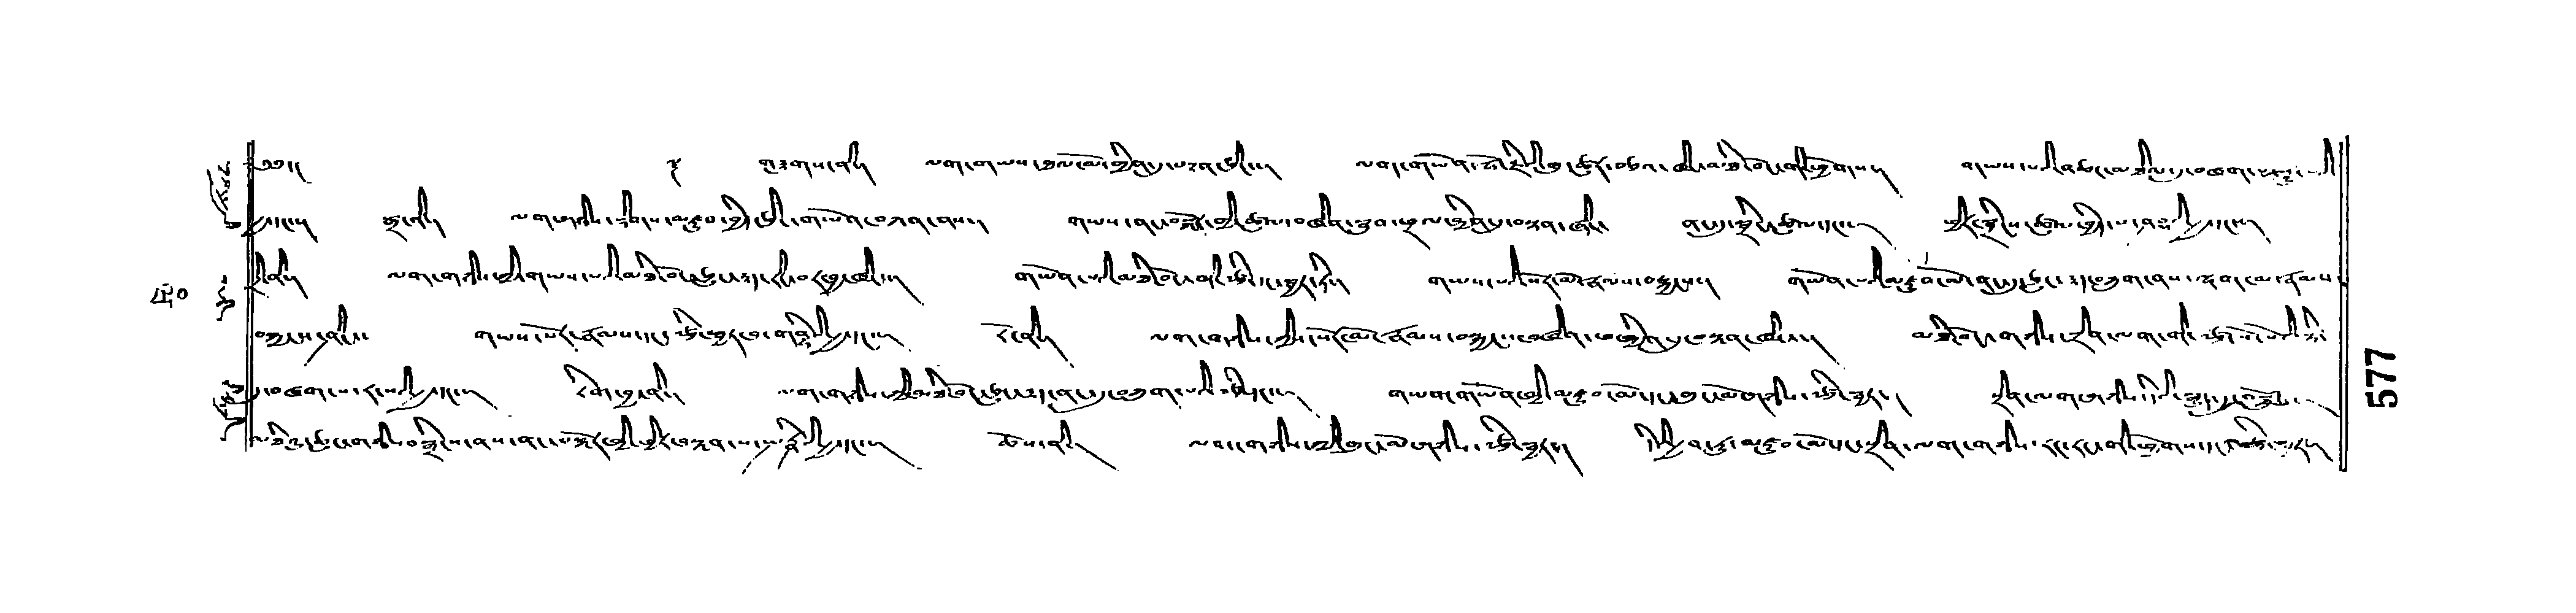༈ གཟུགས་ནི། ལག་གཡས་ཐལ་མོ་གྱེན་དུ་བསྟན་ཅིང་། ལག་གཡོན་རྡོ་རྗེའི་ཁུ་ཚུར་བཅའ་ཞིང་མཐེ་བོང་གི་ཕྱོགས། གཡས་པའི་ཆུང་མཐིལ་དུ་བཞག་པ་རཱུ་པའི་
རྒྱ་དང་། སྒྲ་ནི། ལག་གཉིས་སྡིགས་མཛུབ་བྱེད་ཅིང་གཡོན་བཀན་ནས། གཡས་ནང་བསྐོར་གྱི་ཚུལ་བཞིན་སྦུབ་ཕྲལ་གྱེན་དུ་བསྟན་ཞིང་། ནང་དུ་སྦྲེང་ཚུལ་དང་། ཕྱིར་སྦྲེང་ཚུལ་བྱེད་པ་ཤབྡའི་རྒྱ་དང་། 
དྲི་ནི། ལག་གཉིས་གྱི་གཡས་པའི་མཐེ་བོང་ཅུང་ཟད་རིང་བར་བྱ་ཞིང་། གཡོན་པའི་མཐེ་བོང་ནི་རྩེ་དང་སྦྱར་ཏེ། གཡས་པའི་སོར་མོ་རྣམས་བརྐྱངས། གཡོན་པའི་མཛུབ་མོ་ནང་དུ་ཅུང་ཟད་བཀུག་ནས་ལྷག་མ་རྣམས་
བརྐྱངས་ཤིང་། གཡས་སོར་རྣམས་དང་རྩེ་སྦྱར་བ་གནྡྷེའི་རྒྱ་དང་། རོ་ནི། ལག་གཉིས་ཀྱི་སོར་མོ་རྣམས་བརྐྱང་བཞིན་ཁ་གྱེན་དུ་བསྟན་ཞིང་། མཐེ་བོང་གཉིས་སྲིན་ལག་གི་རྩེ་སོ་སོའི་སྟེང་
དུ་བཞག་པ་ར་སའི་རྒྱ་དང་། རེག་བྱ་ནི། ལག་གཉིས་ཀྱི་མཐེ་བོང་ཅུང་ཟད་ནང་དུ་བཀུག་པའི་རྩེ་དང་། གཡས་གཡོན་གྱི་མཛུབ་མོ་དང་གུང་མོ་གཉིས་རྩེ་སྦྱར། སྲིན་ལག་གཉིས་དེའི་རྒྱུད་དུ་བསྐུམས་། 
མཐེའུ་ཆུང་གཉིས་བསྒྲེངས་ནས་ནང་བསྐོར་གྱི་ཕྱིར་བསྟན་པ་སྤརྴེའི་རྒྱ་དང་། ཆོས་ནི། ལག་གཉིས་ཀྱི་གུང་མོ་གཉིས་རྩེ་སྦྱར། དེའི་རྒྱབ་ཏུ་མཛུབ་མོ་དང་སྲིན་ལག་གཉིས་རང་རང་གི་ཕྱོགས་དང་རྩེ་སྦྱར།